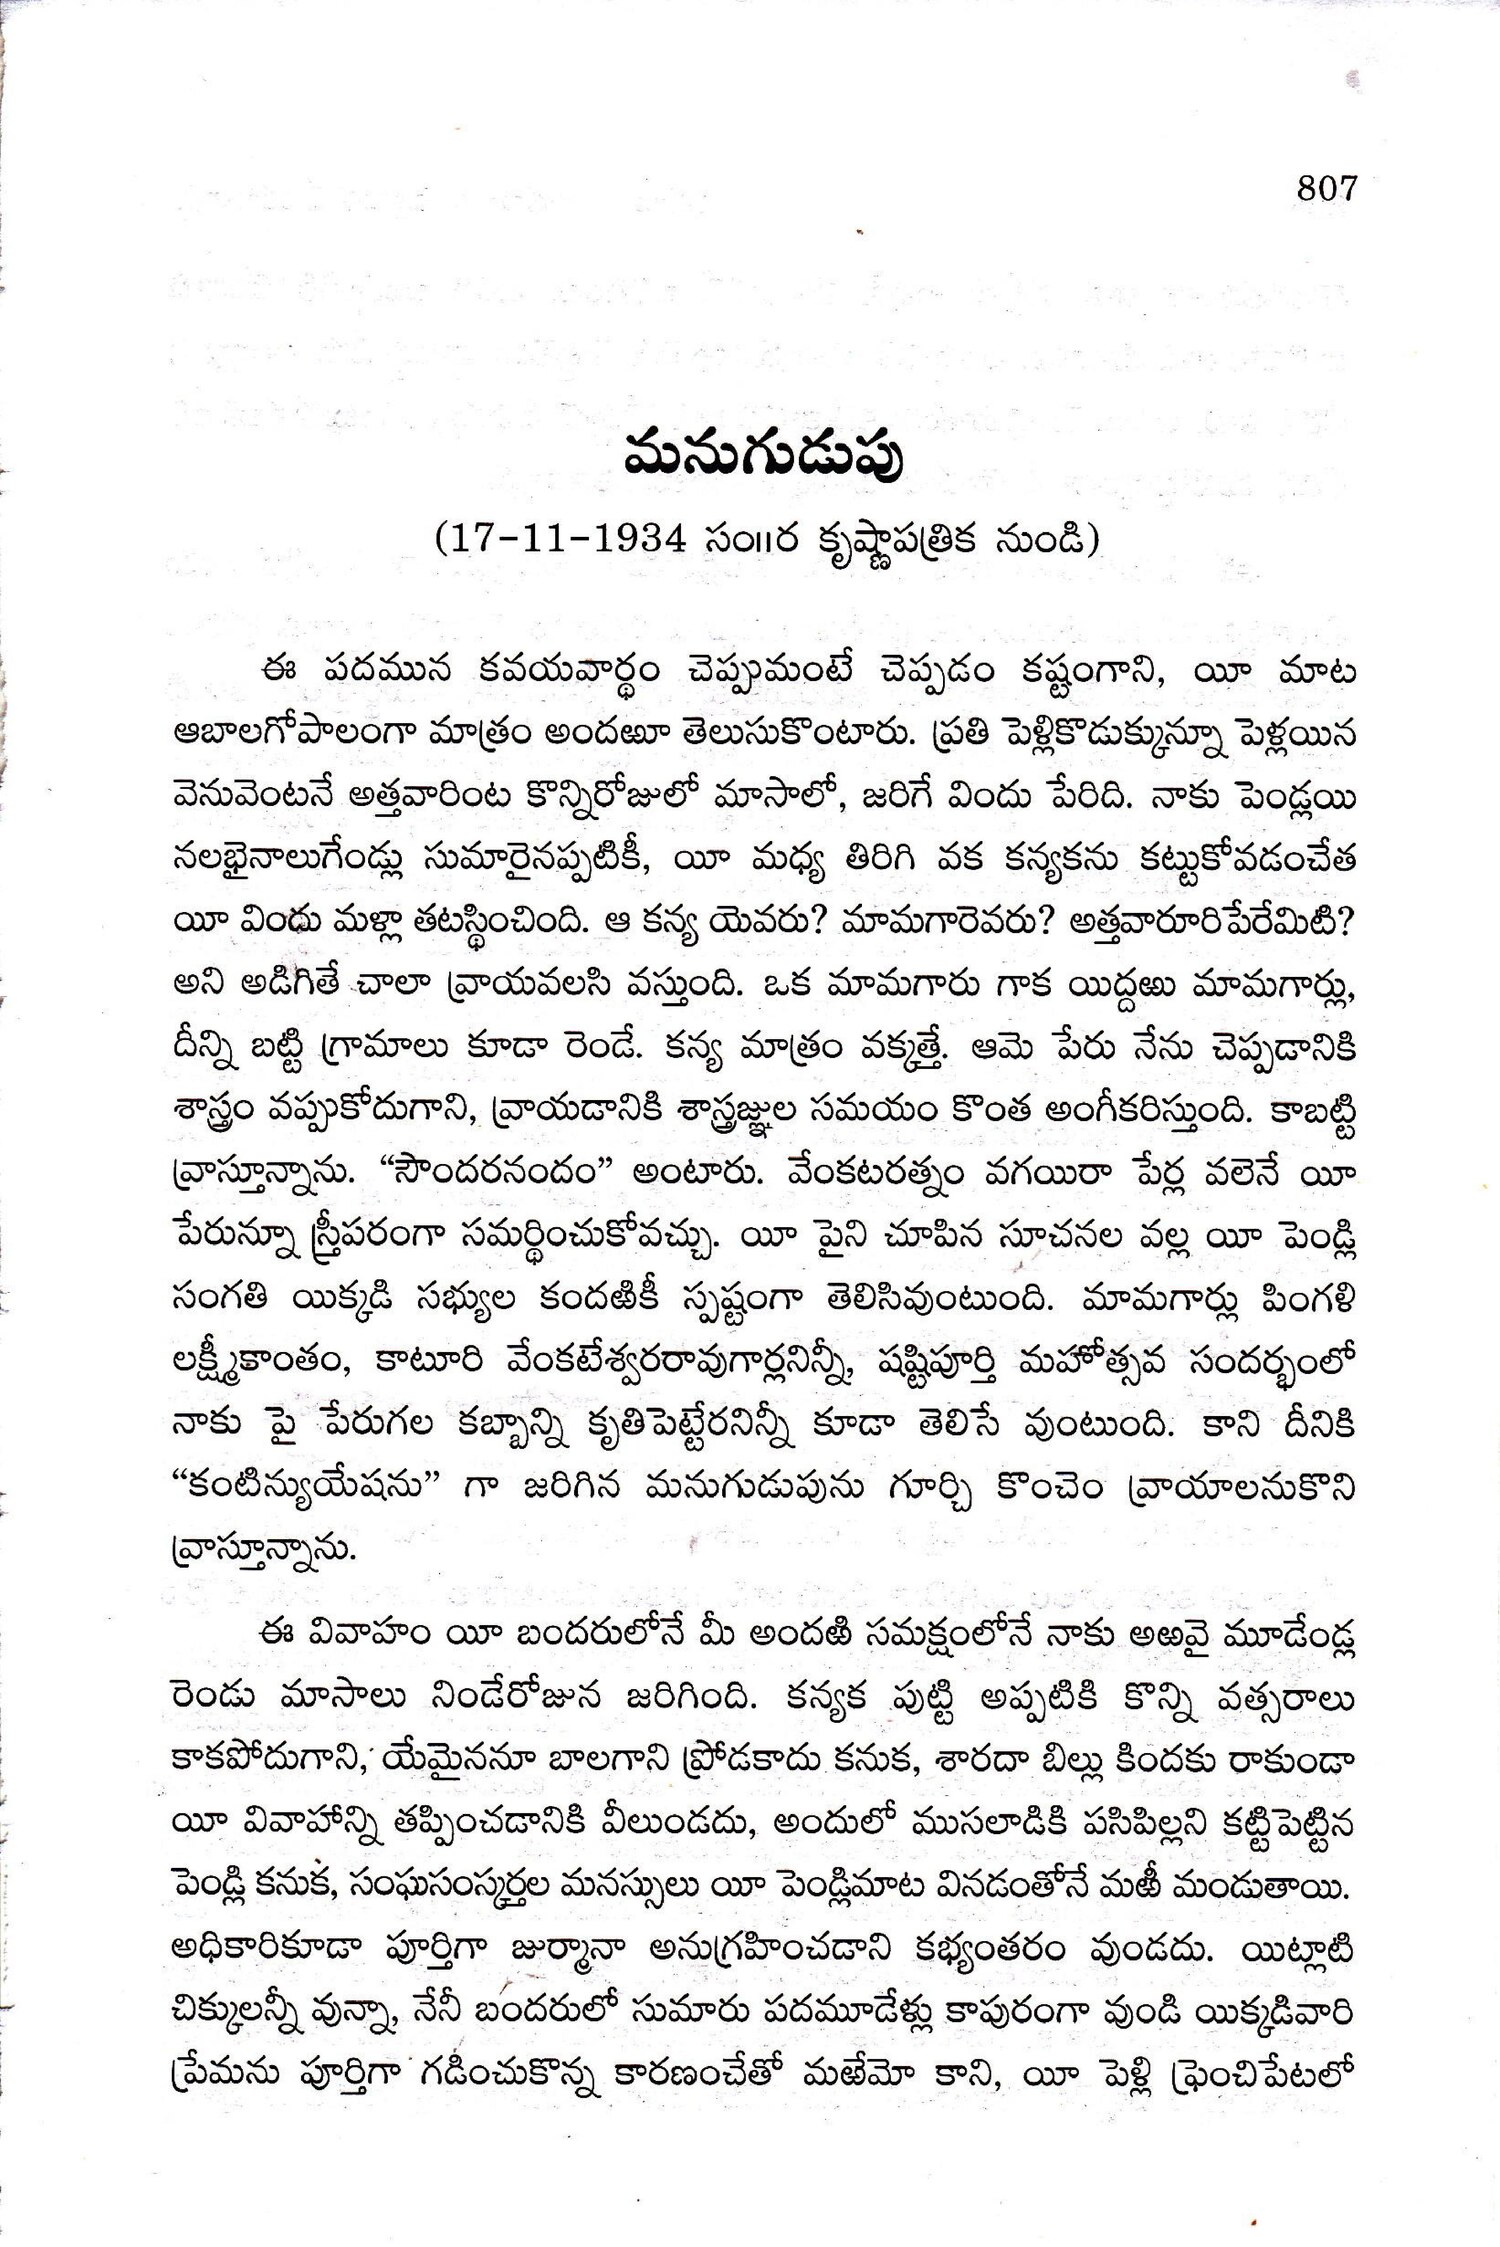మనుగుడుపు
(17-11-1934 సం||ర కృష్ణాపత్రిక నుండి)

ఈ పదమున కవయవార్ధం చెప్పమంటే చెప్పడం కష్టంగాని, యీ మాట ఆబాలగోపాలంగా మాత్రం అందఱూ తెలుసుకొంటారు. ప్రతి పెళ్లికొడుక్కున్నూ పెళ్లయిన వెనువెంటనే అత్తవారింట కొన్నిరోజులో మాసాలో, జరిగే విందు పేరిది. నాకు పెండ్లయి నలభైనాలుగేండ్లు సుమారైనప్పటికీ, యీ మధ్య తిరిగి వక కన్యకను కట్టుకోవడంచేత యీ విందు మళ్లా తటస్థించింది. ఆ కన్య యెవరు? మామగారెవరు? అత్తవారూరిపేరేమిటి? అని అడిగితే చాలా వ్రాయవలసి వస్తుంది. ఒక మామగారు గాక యిద్దఱు మామగార్లు, దీన్ని బట్టి గ్రామాలు కూడా రెండే. కన్య మాత్రం వక్కత్తె. ఆమె పేరు నేను చెప్పడానికి శాస్త్రం వప్పుకోదుగాని, వ్రాయడానికి శాస్త్రజ్ఞుల సమయం కొంత అంగీకరిస్తుంది. కాబట్టి వ్రాస్తూన్నాను. ‘సౌందరనందం" అంటారు. వేంకటరత్నం వగయిరా పేర్ల వలెనే యీ పేరున్నూ స్త్రీపరంగా సమర్ధించుకోవచ్చు. యీ పైని చూపిన సూచనల వల్ల యీ పెండ్లి సంగతి యిక్కడి సభ్యుల కందఱికీ స్పష్టంగా తెలిసివుంటుంది. మామగార్లు పింగళి లక్ష్మీకాంతం, కాటూరి వేంకటేశ్వరరావుగార్లనిన్నీ షష్టిపూర్తి మహోత్సవ సందర్భంలో నాకు పై పేరుగల కబ్బాన్ని కృతిపెట్టేరనిన్నీ కూడా తెలిసే వుంటుంది. కాని దీనికి “కంటిన్యుయేషను” గా జరిగిన మనుగుడుపును గూర్చి కొంచెం వ్రాయాలనుకొని వ్రాస్తూన్నాను.

ఈ వివాహం యీ బందరులోనే మీ అందఱి సమక్షంలోనే నాకు అఱవై మూడేండ్ల రెండు మాసాలు నిండేరోజున జరిగింది. కన్యక పుట్టి అప్పటికి కొన్ని వత్సరాలు కాకపోదుగాని, యేమైననూ బాలగాని ప్రోడకాదు కనుక, శారదా బిల్లు కిందకు రాకుండా యీ వివాహాన్ని తప్పించడానికి వీలుండదు, అందులో ముసలాడికి పసిపిల్లని కట్టిపెట్టిన పెండ్లి కనుక, సంఘసంస్కర్తల మనస్సులు యీ పెండ్లిమాట వినడంతోనే మఱీ మండుతాయి. అధికారికూడా పూర్తిగా జుర్మానా అనుగ్రహించడాని కభ్యంతరం వుండదు. యిట్లాటి చిక్కులన్నీ వున్నా నేనీ బందరులో సుమారు పదమూడేళ్లు కాపురంగా వుండి యిక్కడివారి ప్రేమను పూర్తిగా గడించుకొన్న కారణంచేతో మఱేమో కాని, యీ పెళ్లి ఫ్రెంచిపేటలో